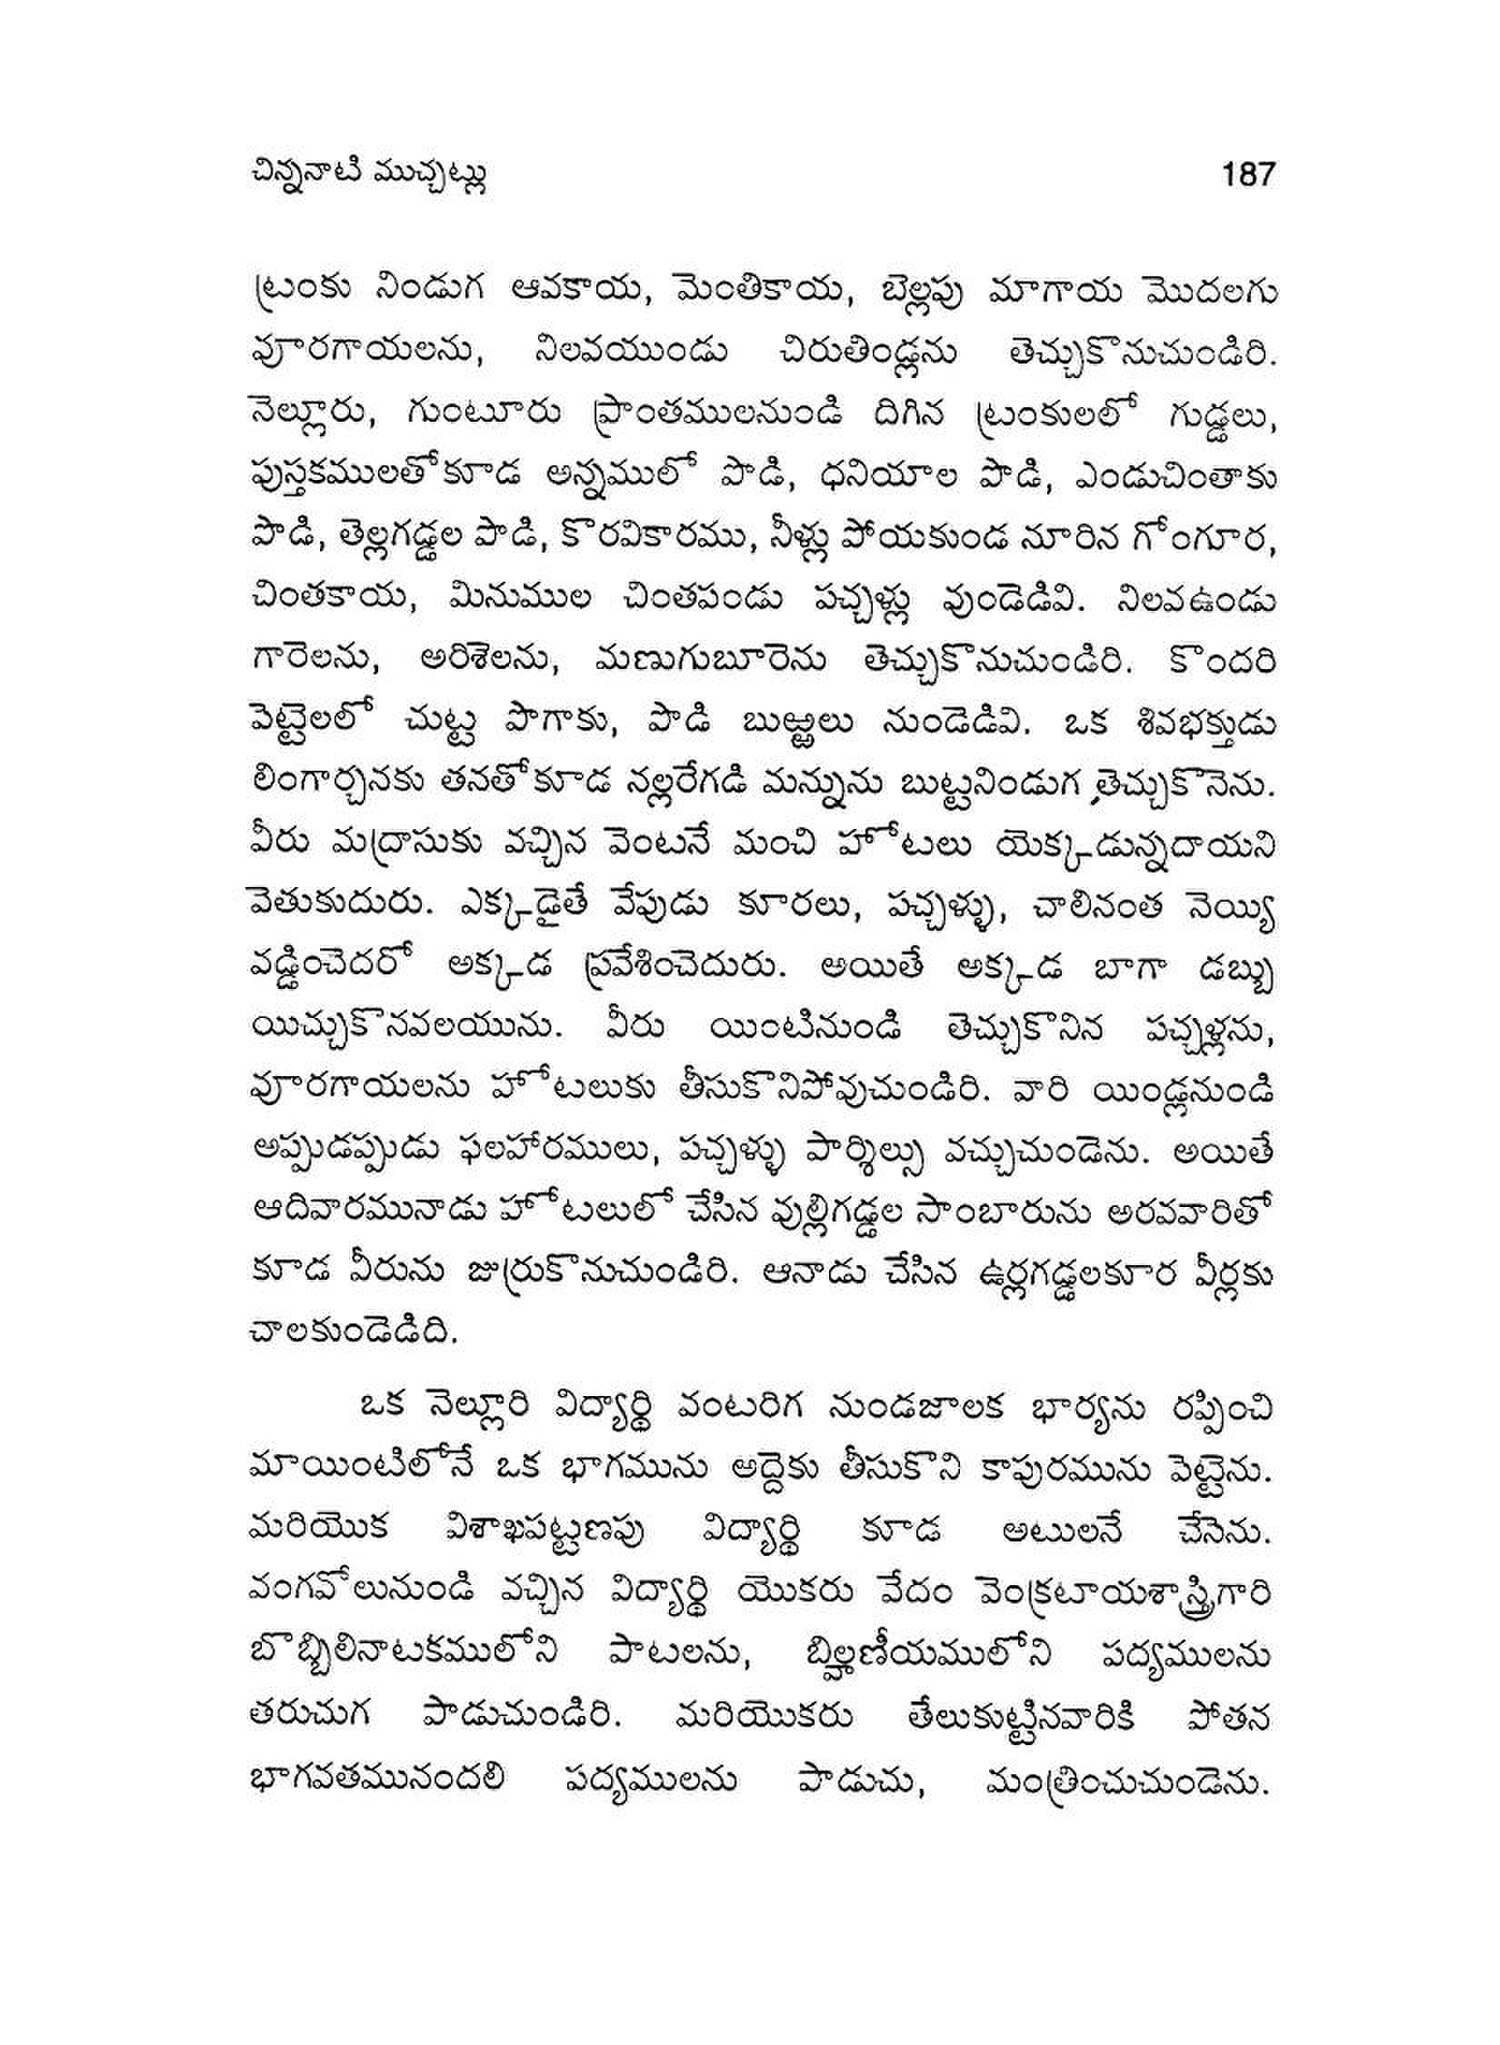ట్రంకు నిండుగ ఆవకాయ, మెంతికాయ, బెల్లపు మాగాయ మొదలగు వూరగాయలను, నిలవయుండు చిరుతిండ్లను తెచ్చుకొనుచుండిరి. నెల్లూరు, గుంటూరు ప్రాంతములనుండి దిగిన ట్రంకులలో గుడ్డలు, పుస్తకములతోకూడ అన్నములో పొడి, ధనియాల పొడి, ఎండుచింతాకు పొడి, తెల్లగడ్డల పాడి, కొరవికారము, నీళ్లు పోయకుండ నూరిన గోంగూర, చింతకాయ, మినుముల చింతపండు పచ్చళ్లు వుండెడివి. నిలవఉండు గారెలను, అరిశెలను, మణుగుబూరెను తెచ్చుకొనుచుండిరి. కొందరి పెట్టెలలో చుట్ట పొగాకు, పొడి బుర్రలు నుండెడివి. ఒక శివభక్తుడు లింగార్చనకు తనతో కూడ నల్లరేగడి మన్నును బుట్టనిండుగ తెచ్చుకొనెను. వీరు మద్రాసుకు వచ్చిన వెంటనే మంచి హోటలు యొక్కడున్నదాయని వెతుకుదురు. ఎక్కడైతే వేపుడు కూరలు, పచ్చళ్ళు, చాలినంత నెయ్యి వడ్డించెదరో అక్కడ ప్రవేశించెదురు. అయితే అక్కడ బాగా డబ్బు యిచ్చుకొనవలయును. వీరు యింటినుండి తెచ్చుకొనిన పచ్చళ్లను, వూరగాయలను హోటలుకు తీసుకొనిపోవుచుండిరి. వారి యిండ్లనుండి అప్పుడప్పుడు ఫలహారములు, పచ్చళ్ళు పార్మిల్సు వచ్చుచుండెను. అయితే ఆదివారమునాడు హోటలులో చేసిన వల్లిగడ్డల సాంబారును అరవవారితో కూడ వీరును జర్రుకొనుచుండిరి. ఆనాడు చేసిన ఉర్లగడ్డలకూర వీర్లకు చాలకుండెడిది.

ఒక నెల్లూరి విద్యార్థి వంటరిగ నుండజాలక భార్యను రప్పించి మాయింటిలోనే ఒక భాగమును అద్దెకు తీసుకొని కాపురమును పెట్టెను. మరియొక విశాఖపట్టణపు విద్యార్థి కూడ అటులనే చేసెను. వంగవోలునుండి వచ్చిన విద్యార్థి యొకరు వేదం వెంక్రటాయశాస్త్రిగారి బొబ్బిలినాటకములోని పాటలను, బిల్హణీయములోని పద్యములను తరుచుగ పాడుచుండిరి. మరియొకరు తేలుకుట్టినవారికి పోతన భాగవతమునందలి పద్యములను పాడుచు, మంత్రించుచుండెను.